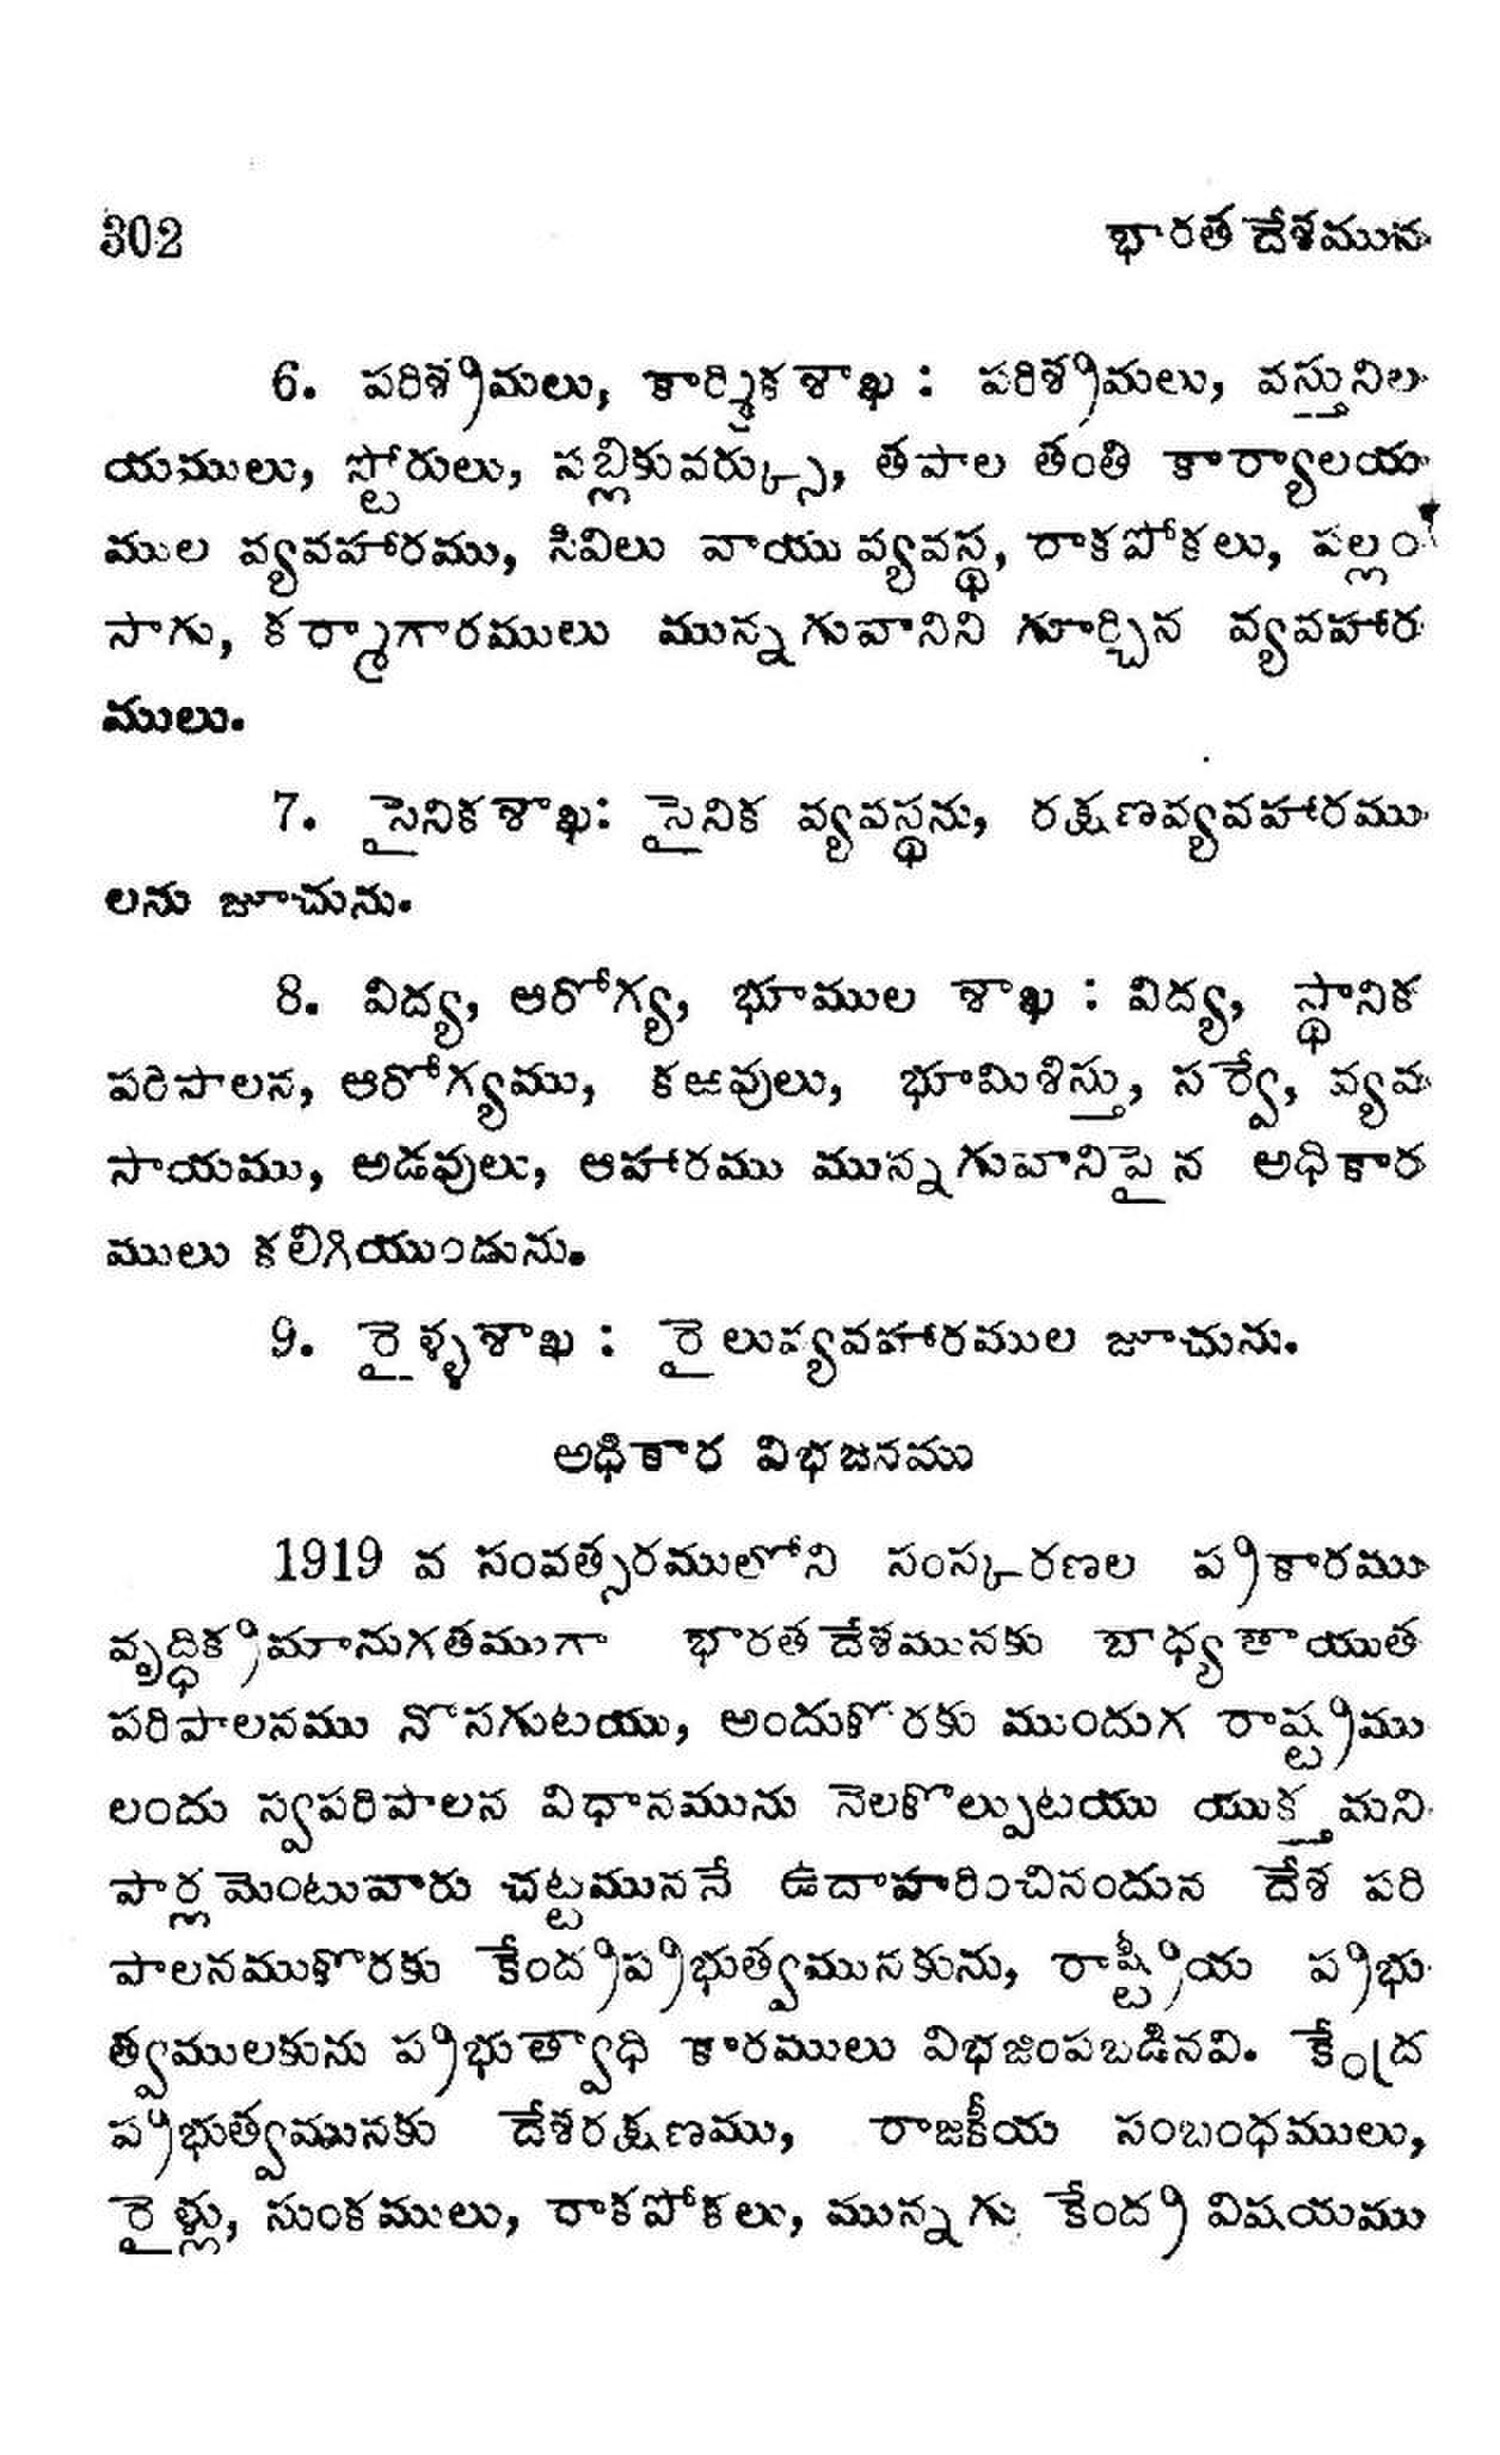6. పరిశ్రమలు, కార్మికశాఖ : పరిశ్రమలు, వస్తునిలయములు, స్టోరులు, పబ్లికువర్క్సు, తపాల తంతి కార్యాలయముల వ్యవహారము, సివిలు వాయు వ్యవస్థ, రాకపోకలు, పల్లంసాగు, కర్మాగారములు మున్నగువానిని గూర్చిన వ్యవహారములు.

7. సైనికశాఖ: సైనిక వ్యవస్థను, రక్షణవ్యవహారములను జూచును.

8. విద్య, ఆరోగ్య, భూముల శాఖ : విద్య, స్థానిక పరిపాలన, ఆరోగ్యము, కఱవులు, భూమిశిస్తు, సర్వే, వ్వవసాయము, అడవులు, ఆహారము మున్నగువానిపైన అధికారములు కలిగియుండును. 

9. రైళ్ళశాఖ : రైలువ్యవహారముల జూచును.

అధికార విభజనము 

1919 వ సంవత్సరములోని సంస్కరణల ప్రకారము వృద్దిక్రమానుగతముగా భారతదేశమునకు బాధ్యతాయుత పరిపాలనము నొసగుటయు, అందుకొరకు ముందుగ రాష్ట్రములందు స్వపరిపాలన విధానమును నెలకొల్పుటయు యుక్తమని పార్లమెంటువారు చట్టముననే ఉదాహరించినందున దేశ పరిపాలనముకొరకు కేంద్రప్రభుత్వమునకును, రాష్ట్రీయ ప్రభుత్వములకును ప్రభుత్వాధికారములు విభజింపబడినవి. కేంద్ర ప్రభుత్వమునకు దేశరక్షణము, రాజకీయ సంబంధములు, రైళ్లు, సుంకములు, రాకపోకలు, మున్నగు కేంద్రవిషయము